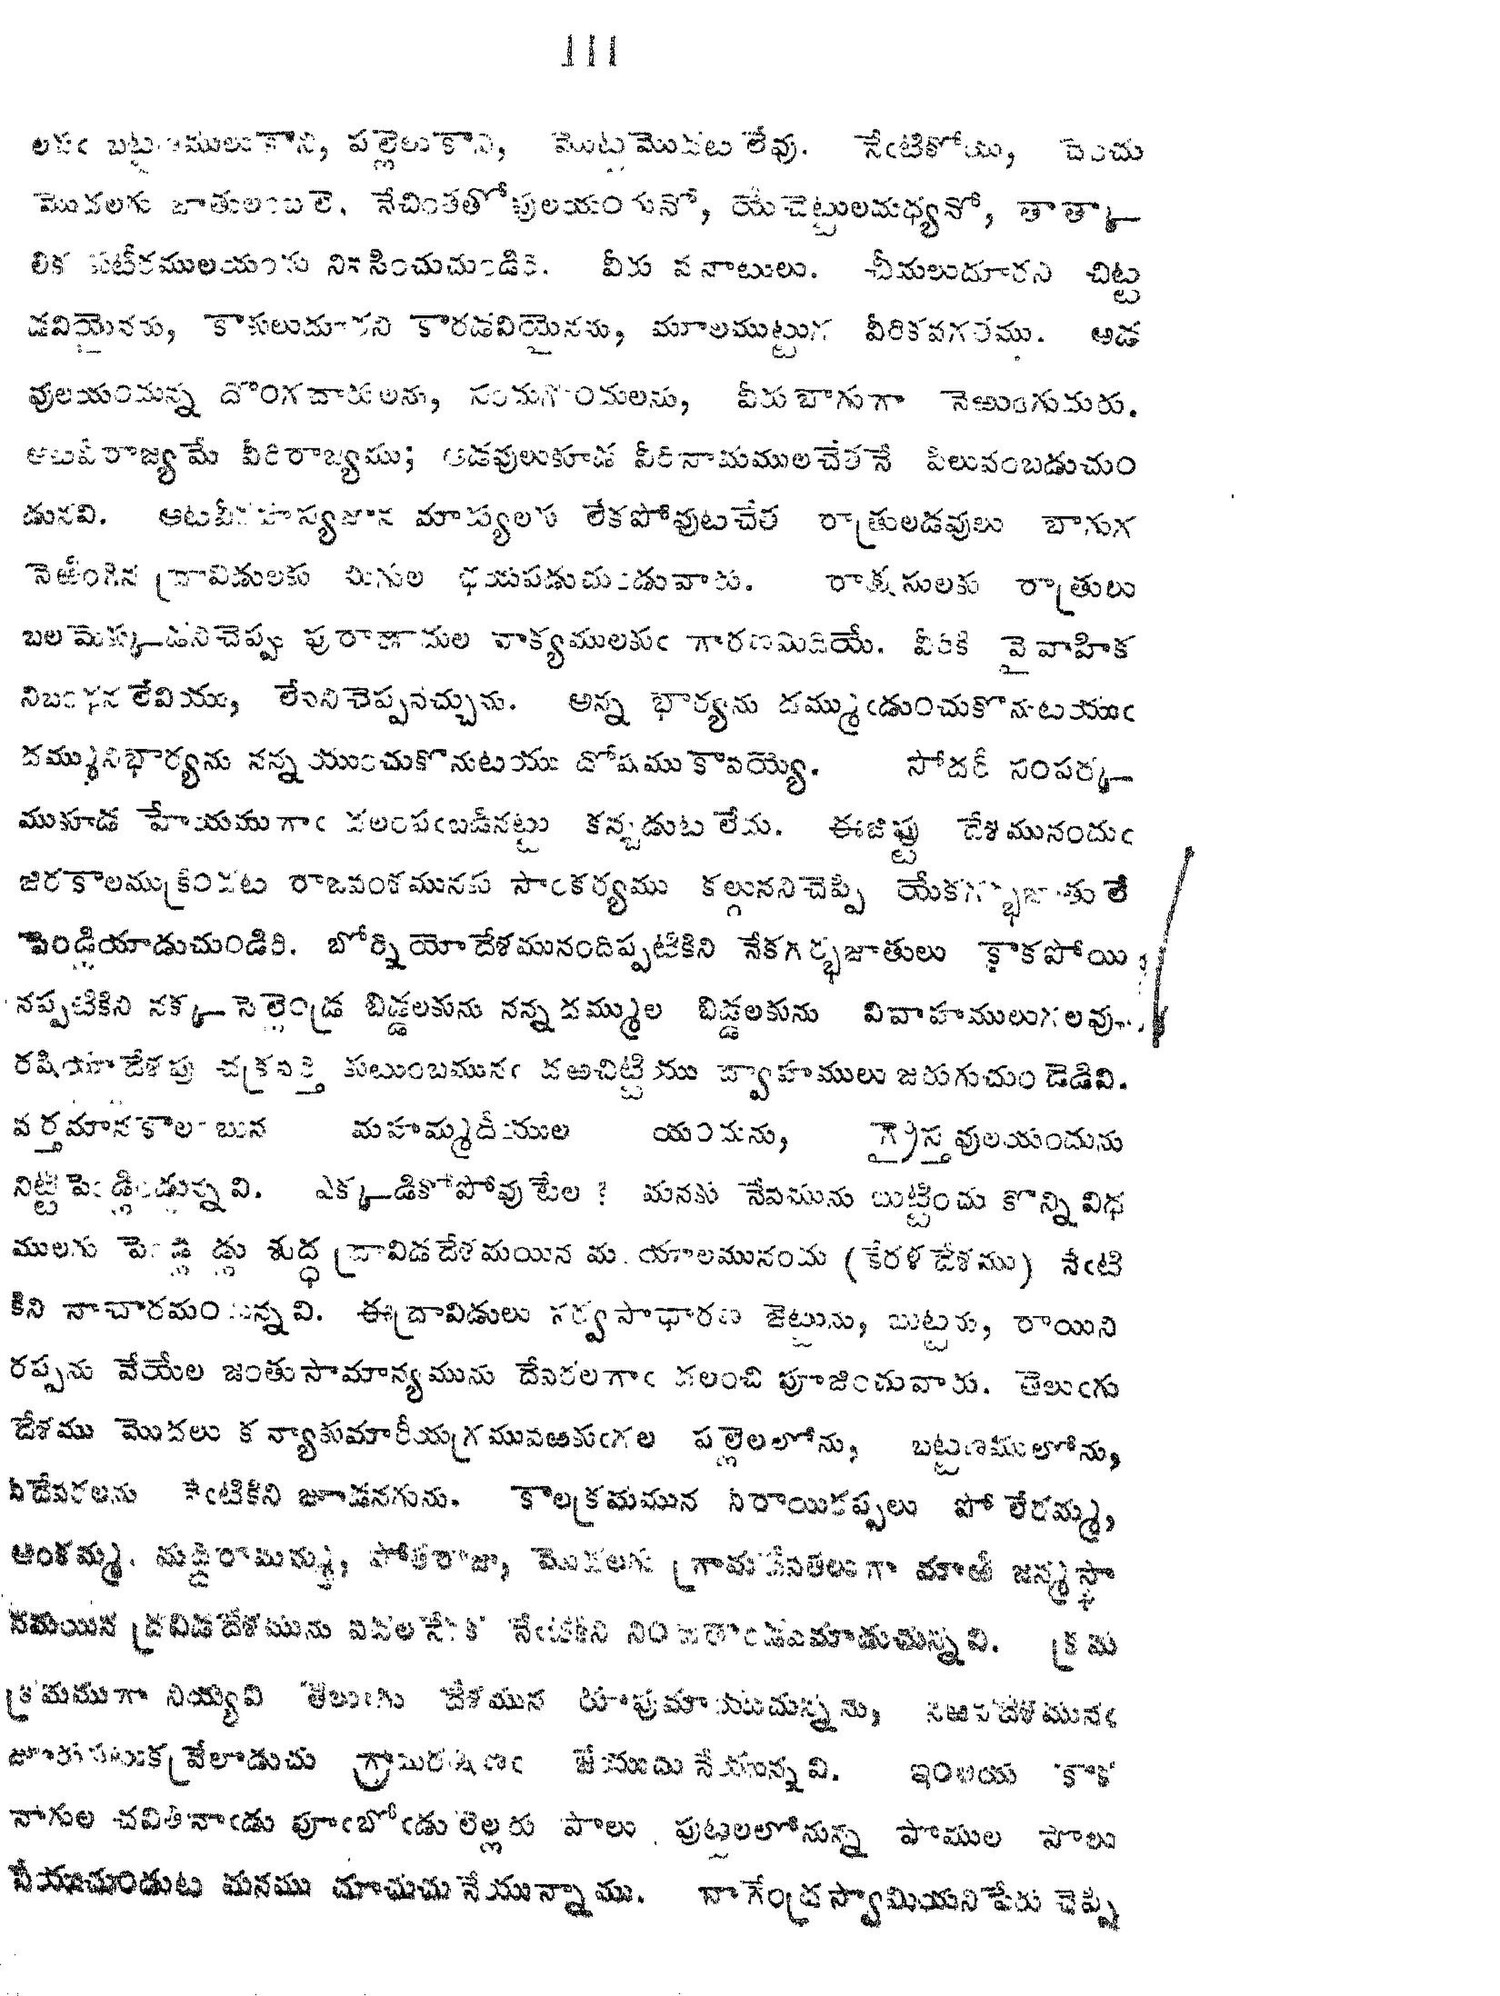లను బట్ణణములు కాని, పల్లెలు కాని, మొట్టమొదట లేవు. నేఁటికవి, చెంచు
మొదలగు జాతుల వలెనే చింత తోపుల యందునో, యేచెట్టుల మధ్యనో, తాత్కా
లిక కుటీర్ములయందు నివసించుచుండిరి. వీరు సనాతులు. చీమలు దూరని చిట్టడవి యైనను, కాకులు దూరని కారడవియైనను, మూలముట్టుగ. వీరికవగతము.
అడవుల యందున్న దొంగ దారులను, సందు గొందులను , వీరు బాగుగా నెఱుంగుదురు.
అటవీ రాజ్యమే వీరి రాజ్యము ; అడపులు కూడ వీరి నామముల చేతనే పిలువం బడుచుండునవి. ఆటవీ రహస్యజ్నాన మార్యులకు లేకపోవుట చేత రాత్రులడవులు బాగుగ నెంరింగిన ద్రావుడులకు మిగుల భయపడు చుండువారు.. రాక్షసులకు
రాత్రులందు బల మెక్కవని చెప్పు పురాణాదుల వాక్యములకుఁ గారణ మిదియే. వీరికి వైవాహిక నిబందన లేవియు, లేవని చెప్పవచ్చును. అన్న భార్యను డమ్ముఁడుంచు కొనటయుఁ దమ్ముని భార్యను నన్న యుంచుకొనుటయు: దోషము కావయ్యె. సోదరీ సంపర్కము కూడ హేయముగాఁ కనంపఁబడి నట్టు కనంపడుట లేదు. ఈజిప్టు దేశమునందుఁ జిరకాలము క్రిందట రాజవంశమునకు సౌకర్యము కల్గునని చెప్పి యేక గర్భజాతులే పెండ్లియాడు చుండిరి. బోర్నియో దేశమునం దిప్పటికిని నేక గర్భ జాతులు కాకపోయి నప్పటికిని నక్కసెల్లెండ్ర బిడ్డలకును నన్న దమ్ముల బిడ్డలకును వివాహములు కలవు. రషియా దేశపు చక్రవర్తి కుటుంబమునఁ దఱచిట్టి యువ్విహములు జరుగుచుండెడివి. వర్తమాన కాలంబున మహమ్మదీయుల యందును, క్రైస్తవుల యందును నిట్టి పెండ్లిండున్నవి. ఎక్కడికో పోవు టేల ? మనకు నేపమును బుట్టించు కొన్ని విధ ములగు పెండ్లిడ్లు శుద్ధ ద్రావిడ దేశ మయిన మళయాలమునందు (కేరళ జేశము) నేఁటికిని నాచారమం దున్నవి. ఈ ద్రావిడులు సర్వసాధారణ జట్టును, పుట్టను, రాయిని, రప్పను వేయేల జంతు సామాన్యమును దేవతలగాఁ దలంచి పూజించువారు. తెలుఁగు దేశము మొదలు కన్యాకుమారి యగ్రము పరకుఁగల పల్లెలలోను, బట్టణములోను, నీదేవతలను నేటికీని జూడనగును. కాలక్రమమున రాయికప్పలు పోలేరమ్మ, ఆంకమ్మ, మద్దిరామమ్మ : పోతరాజు, మొదలగు గ్రామ దేవతలుగా మాఱి జన్మ స్థానమయిన ద్రవిడ దేశమును వదలనేరక నేటికిని నింజతాండవమాడుచున్నవి.. " 
క్రమ క్రమముగా నియ్యవి. 'తెలుగు దేశముస రూపుమాయు చుచున్నను, అరవ దేశ మునఁ జూరు పట్టుక వ్రేలాడుచు గ్రామరక్షణ చేయుచునే నున్నవి. ఇంతియ కాక 
నాగుల చవితి నాఁడు పూఁబోఁడు లెల్లరు పాలు , పుట్టలలో నున్న పాముల పాలు
చేయుచుండుట మనము చూచుచునే యున్నాము. నాగేంద్ర స్వామియని పేరు చెప్పి